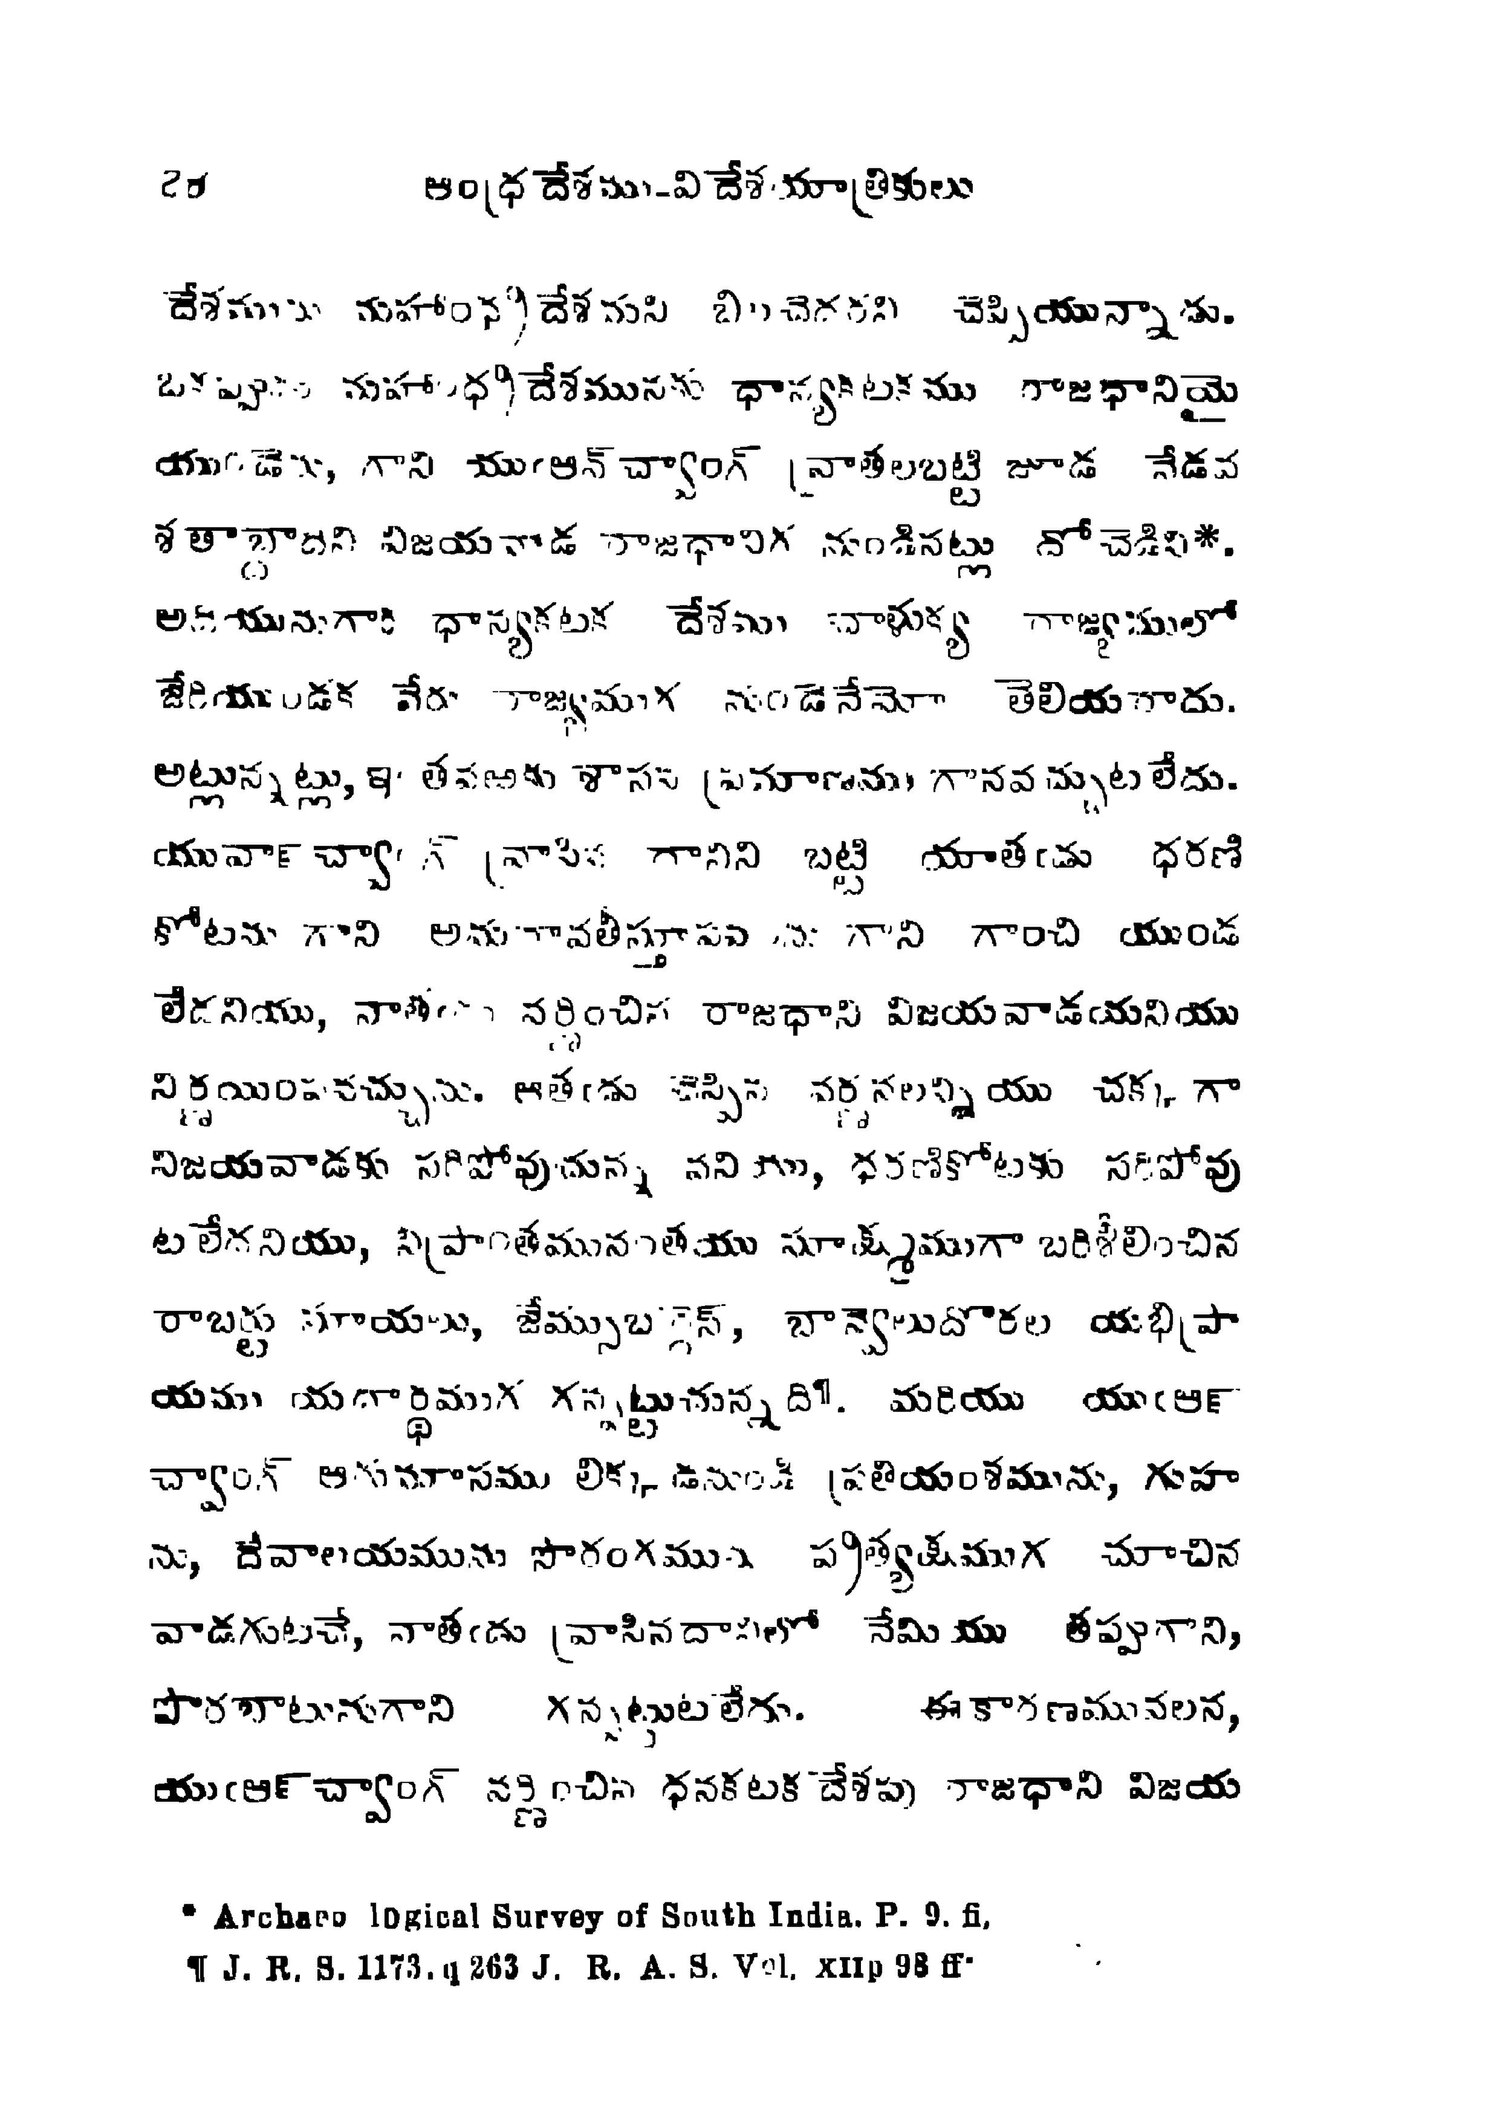దేశమును మహాంధ్రదేశమని బిలచెదరని చెప్పియున్నాడు. ఒకప్పుడు మహాంధ్రదేశమునకు ధాన్యకటకము రాజధానియై యుండెను, గాని యు ఆన్ చ్వాంగ్ వ్రాతలబట్టి జూడ నేడవ శతాబ్దాదిని విజయవాడ రాజధానిగ నుండినట్లు దోచెడివి. అదియునుగాక ధాన్యకటక దేశము చాళుక్య రాజ్యములో జేరియుండక వేరు రాజ్యముగ నుండెనేమో తెలియరాదు. అట్లున్నట్లు, ఇంతవఱకు శాసన ప్రమాణము గానవచ్చుటలేదు. యువాన్‌చ్వాంగ్ వ్రాసిన దానిని బట్టి యాతడు ధరణికోటను గాని అమరావతీస్తూపమందుగాని గాంచి యుండలేదనియు, నాతడు వర్ణించిన రాజధాని విజయవాడ యనియు నిర్ణయింపవచ్చును. ఆతడు చెప్పిన వర్ణనలన్నియు చక్కగా విజయవాడకు సరిపోవుచున్న వనియు, ధరణికోటకు సరిపోవుటలేదనియు, నీప్రాంతమునంతయు సూక్ష్మముగా బరిశీలించిన రాబర్టు నూయలు, జేమ్సుబర్గెన్, బాన్వెలుదొరల యభిప్రాయము యదార్థముగ గన్పట్టుచున్నది. మరియు యు ఆన్ చ్వాంగ్ ఆరుమాసము లిక్కడనుండి ప్రతియంశమును, గుహను, దేవాలయమును సొరంగమును ప్రత్యక్షముగ చూచిన వాడగుటచే, నాతడు వ్రాసినదానిలో నేమియు తప్పుగాని, పొరబాటునుగాని గన్పట్టుటలేదు. ఈకారణమువలన, యు ఆన్ చ్వాంగ్ వర్ణించిన ధనకటక దేశపు రాజధాని విజయ